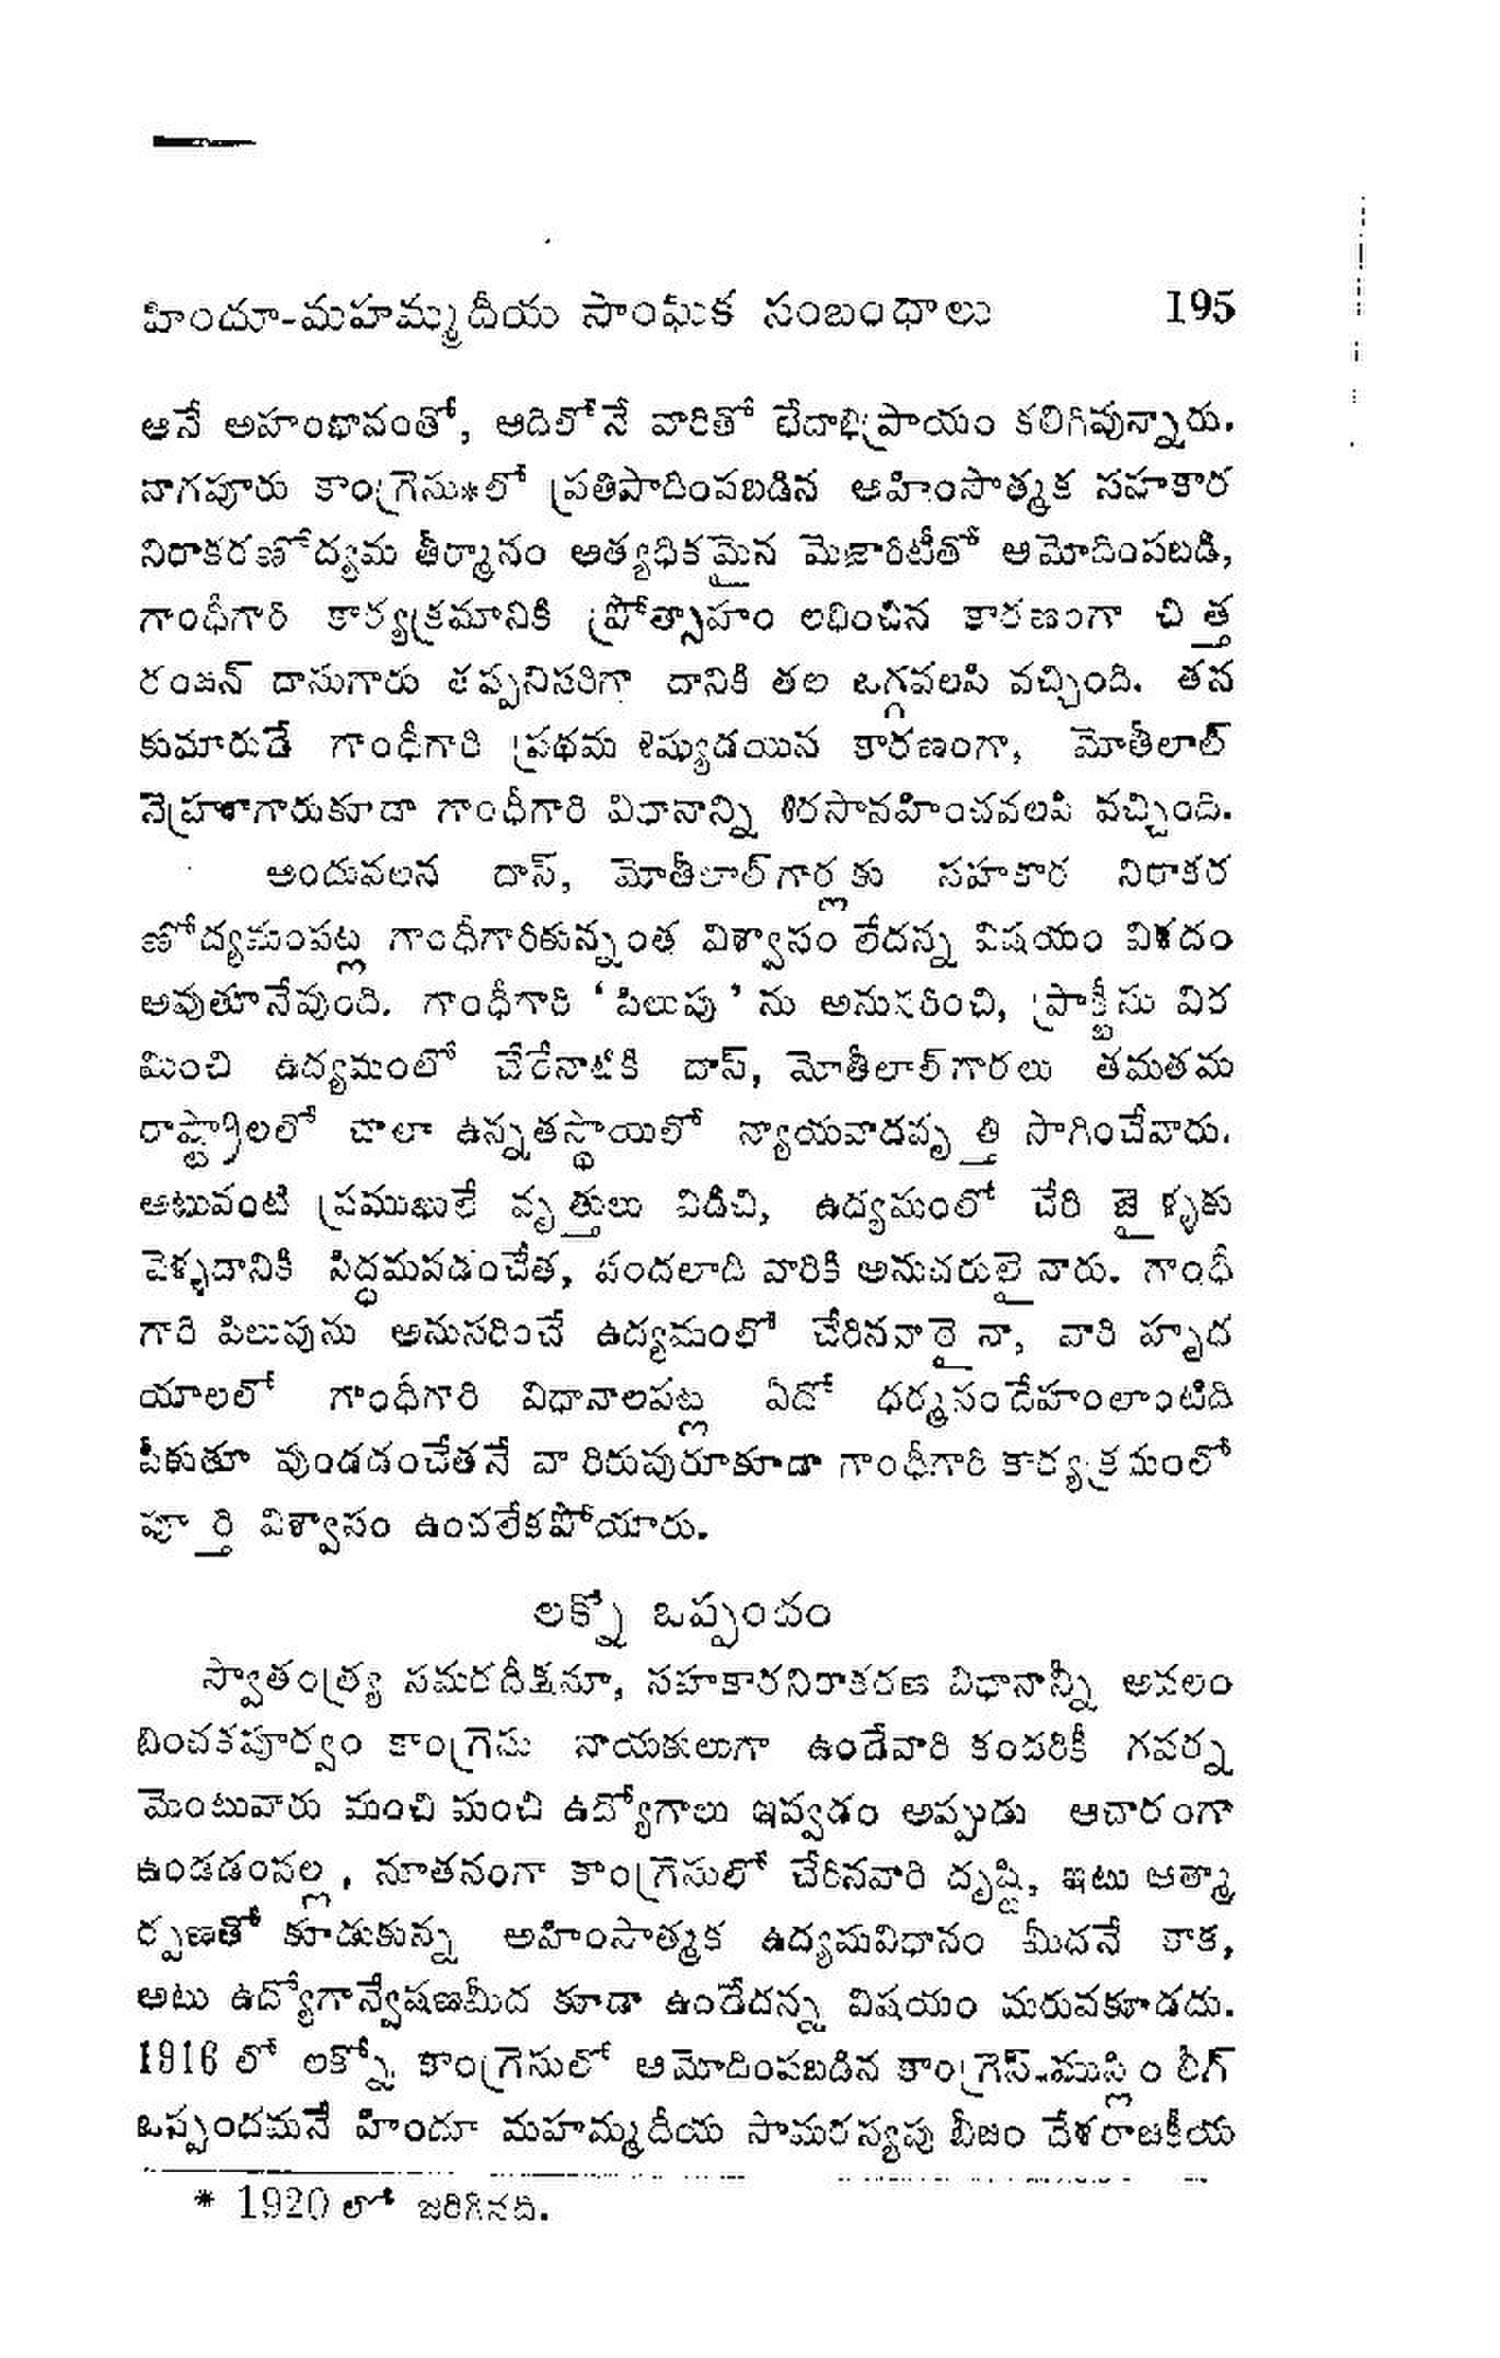అనే అహంభావంతో, ఆదిలోనే వారితో భేదాభిప్రాయం కలిగివున్నారు. నాగపూరు కాంగ్రెసులో ప్రతపాదింపబడిన అహింసాత్మక సహకార నిరాకరణోద్యమ తీర్మానం అత్యధికమైన మెజారిటీతో ఆమోదింపబడి, గాంధీగారి కార్యక్రమానికి ప్రోత్సాహం లభించిన కారణంగా చిత్తరంజన్ దాసుగారు తప్పనిసరిగా దానికి తల ఒగ్గవలసి వచ్చింది. తన కుమారుడే గాంధీగారి ప్రథమ శిష్యుడయిన కారణంగా, మోతిలాల్ నెహ్రూగారుకూడా గాంధీగారి విధానాన్ని శిరసావహించవలసి వచ్చింది.

అందువలన దాస్, మోతిలాల్‌గార్లకు సహకార నిరాకరణోద్యమంపట్ల గాంధీగారికున్నంత విశ్వాసం లేదన్న విషయం విశదం అవుతూనేవుంది. గాంధీగారి "పిలుపు" ను అనుసరించి, ప్రాక్టీసు విరమించి ఉద్యమంలో చేరేనాటికి దాస్, మోతిలాల్‌గారలు తమతమ రాష్ట్రాలలో చాలా ఉన్నతస్థాయిలో న్యాయవాదవృత్తి సాగించేవారు. అటువంటి ప్రముఖులే వృత్తులు విడచి, ఉద్యమంలో చేరి జైళ్ళకు వెళ్ళడానికి సిద్ధమవడంచేత, వందలాది వారికి అనుచరులై నారు. గాంధీగారి పిలుపును అనుసరించే ఉద్యమంలో చేరినవారైనా, వారి హృదయాలలో గాంధీగారి విధానాలపట్ల ఏదో ధర్మసందేహం లాంటిది పీకుతూ వుండడంచేతనే వా రిరువురూకూడా గాంధీగారి కార్యక్రమంలో పూర్తి విశ్వాసం ఉంచలేకపోయారు.

స్వాతంత్ర్య సమరదీక్షనూ, సహకారనిరాకరణ విధానాన్నీ అవలంబించకపూర్వం కాంగ్రెసు నాయకులుగా ఉండేవారి కందరికీ గవర్నమెంటువారు మంచి మంచి ఉద్యోగాలు ఇవ్వడం అప్పుడు ఆచారంగా ఉండడంవల్ల, నూతనంగా కాంగ్రెసులో చేరినవారి దృష్టి, ఇటు ఆత్మార్పణతో కూడుకున్న అహింసాత్మక ఉద్యమవిధానం మీదనే కాక,అటు ఉద్యోగాన్వేషణమీద కూడా ఉండేదన్న విషయం మరువకూడదు. 1916 లో లక్నో కాంగ్రెసులో ఆమోదింపబడిన కాంగ్రెసు-ముస్లిం లీగ్ ఒప్పందమనే హిందూ మహమ్మదీయ సామరస్యపు బీజం దేశరాజకీయ